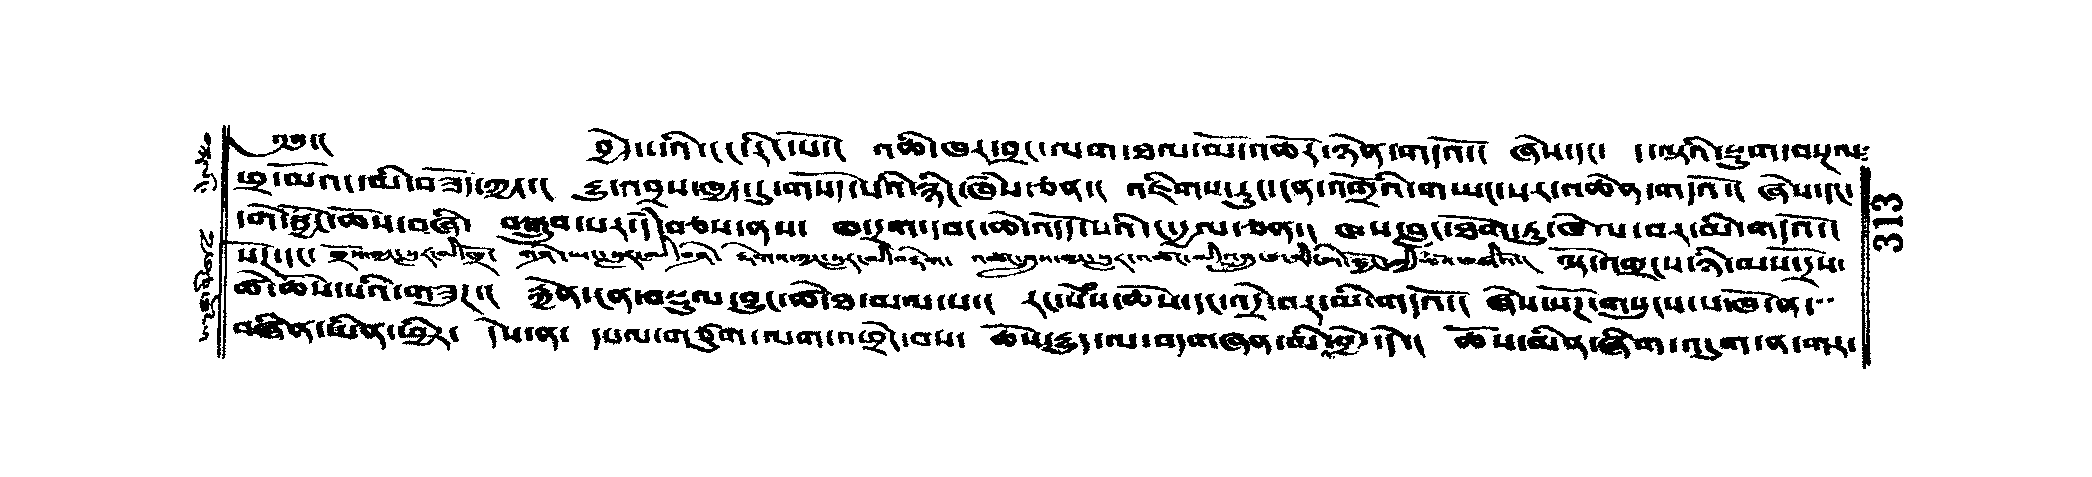བྱེད་པའི་ངང་རིང་པོ། །འཆི་ཁར་བྲང་ལག་ཐལ་མོ་འཆོར་ཉེན་གདའ། ཞེས་དང་། ད་ལྟའི་སྡུག་བསྔལ་
ཕྲ་མོའང་མི་བཟོད་ཀྱང་། །རྒྱུ་འབྲས་ཁྱད་དུ་གསོད་པའི་སྙིང་ཁམས་ཅན། །འཇིགས་རུང་ངན་འགྲོའི་གཡང་སར་འཕྱན་གདའ་འོ། ཞེས་དང་། 
དགེ་སྦྱོང་ཆོས་བཞི་བསྒྲུབ་པར་དམ་བཅས་ནས། །ཁ་དྲག་དབང་ཆེ་འདོད་པའི་ང་རྒྱལ་ཅན། །ཁས་བླང་ཐོག་ཏུ་ཁེལ་བར་མི་གདའ་འོ།
སོགས་དང་། ལྟོ་འགྲངས་ཉིས་མས་དྲོས་ གཤི་ཡང་སླར་མི་བཤེ་ རྟོགས་བསྐྱང་སླར་མི་བརྟོག་ འཆང་ཕྲུས་རྩང་སླར་འཚང་མི་འགྲུབ་གི་སྦྱོང་གྱི་བཞིའོ་ ལྟོ་འགྲངས་ཉི་མས་དྲོས་
ཚེ་ཆོས་པའི་གཟུགས། །རྐྱེན་ངན་སྡུག་བསྔལ་བྱུང་ཚེ་ཐ་མལ་པ། །རང་སེམས་ཆོས་དང་འདྲེས་བར་མི་གདའ་འོ། ཞེས་སོགས་གསུངས་པ་ཁོ་ན་
བཞིན་ཡིན་ཕྱིར། དེས་ན། དཔལ་གཙུག་ལག་འཕྲེང་བས། ཆོས་རྒྱུད་ལ་བདག་གཞན་མི་བྱེད་དེ། །ཆོས་མིན་ཞིག་འདུག་ན་གར་